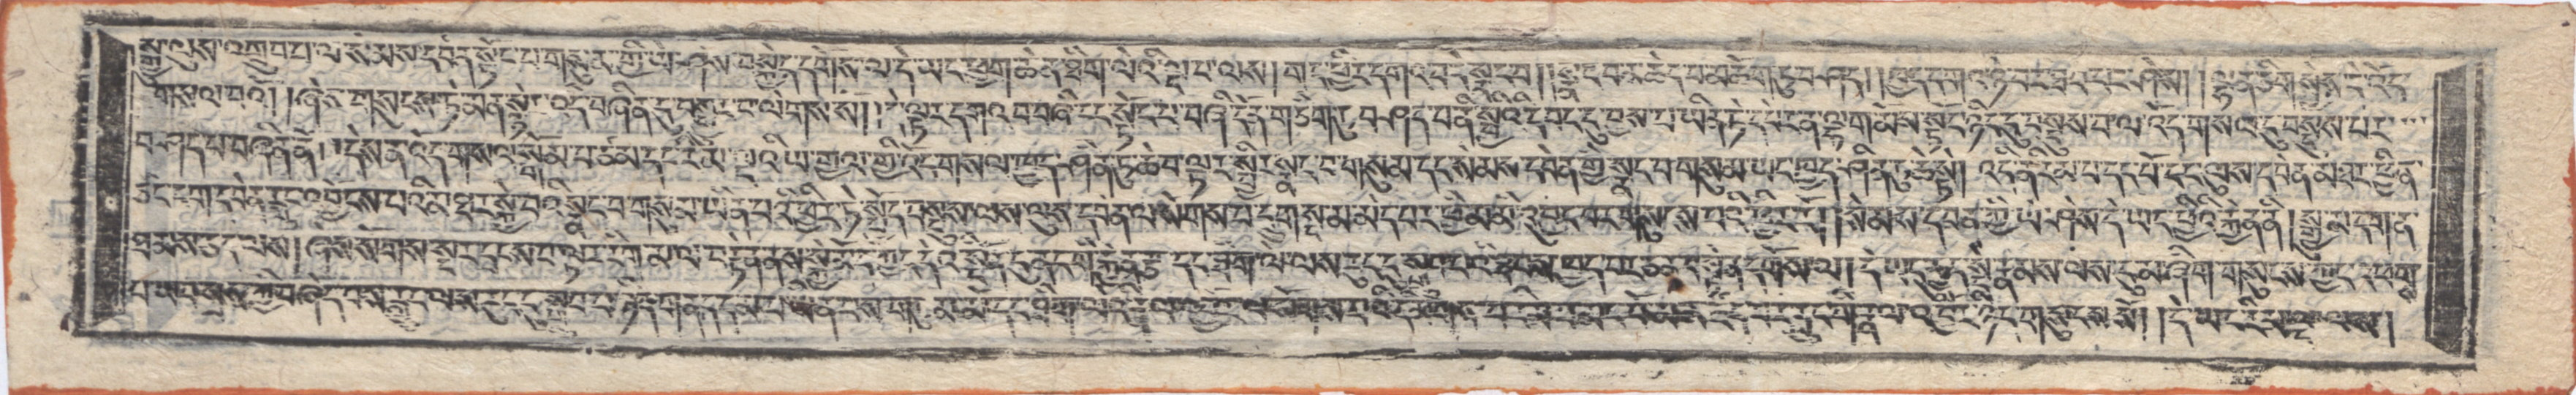སྒྱུ་ལུས་འགྲུབ་པ་ལ་སེམས་དབེན་སྟོང་པ་གསུམ་གྱི་ཡེ་ཤེས་བསྐྱེད་དགོས་ལ་དེ་ཡང་ཕྱག་ཆེན་ཐིག་ལེའི་ལྔ་པ་ལས། གང་ཕྱིར་དགའ་བ་དེ་སྣང་བ། །སྣང་བ་མཆེད་པ་མཆོག་ཏུ་བཤད། །ཁྱད་དགའ་ཉེ་བར་ཐོབ་པར་ཤེས། །ལྷན་ཅིག་སྐྱེས་དེ་འོད་
གསལ་བའོ། །ཞེས་གསུངས་ཏེ་མན་སྙེར་འདི་བཞིན་དུ་བསྒྱུར་བ་ལེགས་སོ། །དེ་ལྟར་དགའ་བ་བཞི་དང་སྟོང་པ་བཞི་དོན་གཅིག་ཏུ་བཤད་པ་ནི་སྤྱིའི་དབང་དུ་བྱས་པ་ཡིན་ཏེ་དཔེར་ན་ལྷག་མོས་སྟོང་ཉིད་དུ་བསྡུས་པ་ལ་འོད་གསལ་དུ་བསྡུས་པར་
བཤད་པ་བཞིན་ནོ། །དེས་ན་འོད་གསལ་སྒོམ་པ་ཙམ་དང་རིམ་ལྔའི་ཡ་གྱལ་གྱི་འོད་གསལ་ཁྱད་ཤིན་ཏུ་ཆེ་བ་ལྟར་སྤྱིར་སྣང་བ་གསུམ་དང་སེམས་དབེན་གྱི་སྣང་བ་གསུམ་ཡང་ཁྱད་ཤིན་ཏུ་ཆེ་སྟེ། འདི་ནི་རིམ་པ་དང་པོ་དང་ལུས་དབེན་མཐར་ཕྱིན་
ཅིང་དག་དབེན་རླུང་འབྱོངས་པའི་མཐར་སྐྱེ་བའི་སྣང་བ་གསུམ་ཡིན་པའི་ཕྱིར་ཏེ་སྤྱོད་བསྡུས་ལས་ལུས་དབེན་ལ་སོགས་པ་དྲུག་སྔ་མ་མེད་པར་ཕྱི་མ་མི་འབྱུང་བར་གསུངས་པའི་ཕྱིར་རོ། །སེམས་དབེན་གྱི་ཡེ་ཤེས་དེ་ཡང་ཕྱིའི་རྐྱེན་ནི། སྒྱུ་མ་དག་ན་
ཐམས་ཅད་ལས། ཞེས་སོགས་སྔར་དྲངས་པ་ལྟར་རིག་མ་ལ་བརྟེན་ནས་སྐྱེ་མོད་ཀྱང་དེའི་སྔོན་དུ་ནང་གི་རྐྱེན་རྩ་དང་ཐིག་ལེ་ལས་རུང་དུ་སྒྲུབ་པའི་ཐབས་ཁྱད་པར་ཅན་བསྟེན་དགོས་ལ། དེ་ཡང་རྒྱུད་སྡེ་རྣམས་ལས་དུ་མ་ཞིག་གསུངས་ཀྱང་འཕགས་
པ་ཡབ་སྲས་ཀྱི་བཞེད་པས་རླུང་ལས་རུང་དུ་སྒྲུབ་པ་ཉིད་གནད་དམ་པ་ཡིན་པས་གཏུམ་མོ་དང་ཐིག་ལེའི་རྣལ་འབྱོར་ལ་སོགས་པའི་དམིགས་པ་རིམ་པ་མང་པོ་མ་མཛད་པར་རླུང་གི་རྣལ་འབྱོར་ཉིད་གསུངས་སོ། །དེ་ཡང་རིམ་ལྔ་ལས།